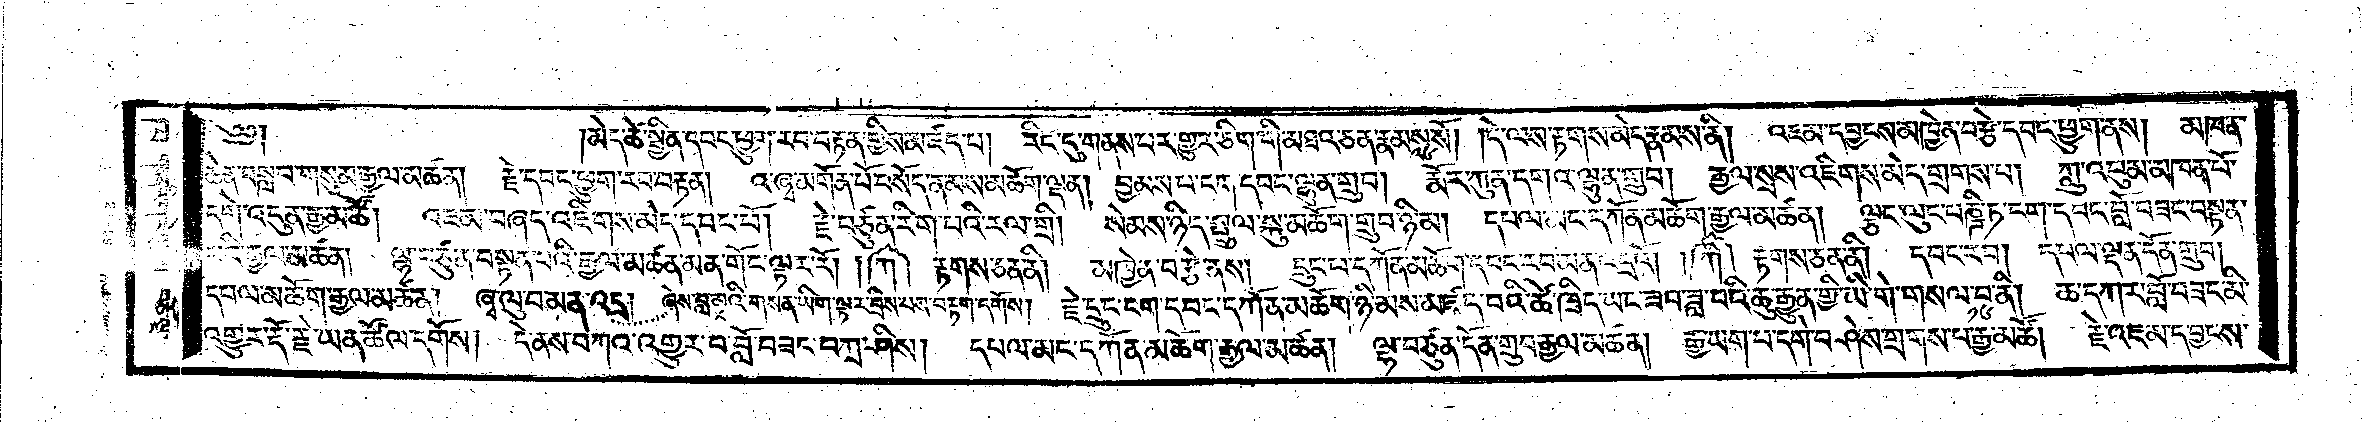༄༅། །མེད་ཚེ་སྦྱིན་དབང་ཕྱུག་རབ་བརྟན་གྱིས་མཛད་པ། རིང་དུ་གནས་པར་གྱུར་ཅིག་གི་མཐའ་ཅན་རྣམས་སོ། །དེ་ལས་རྟགས་མེད་རྣམས་ནི། འཇམ་དབྱངས་མཁྱེན་བརྩེ་དབང་ཕྱུག་ནས། མཁན་
ཆེན་བསླབ་གསུམ་རྒྱལ་མཚན། རྗེ་དབང་ཕྱུག་རབ་བརྟན། འ་ཞྭ་མགོན་པོ་བསོད་ནམས་མཆོག་ལྡན། བྱམས་པ་ངག་དབང་ལྷུན་གྲུབ། རྨོར་ཀུན་དགའ་ལྷུན་གྲུབ། རྒྱལ་སྲས་འཇིགས་མེད་གྲགས་པ། ཀླུ་འབུམ་མཁན་པོ་
དགེ་འདུན་རྒྱ་མཚོ། འཇམ་བཞད་འཇིགས་མེད་དབང་པོ། རྗེ་བཙུན་རིག་པའི་རལ་གྲི། སེམས་ཉིད་སྤྲུལ་སྐུ་མཆོག་གྲུབ་ཉི་མ། དཔལ་མང་དཀོན་མཆོག་རྒྱལ་མཚན། ལྕང་ལུང་པཎྜི་ཏ་ངག་དབང་བློ་བཟང་བསྟན་
པའི་རྒྱལ་མཚན། ལྷ་བཙུན་བསྟན་པའི་རྒྱལ་མཚན་མན་གོང་ལྟར་རོ། །༼ཀ༽ རྟགས་ཅན་ནི། མཁྱེན་བརྩེ་ནས། དྲུང་པ་དཀོན་མཆོག་དབང་རབ་མན་འདྲའོ། །༼ཀི༽ རྟགས་ཅན་ནི། དབང་རབ། དཔལ་ལྡན་དོན་གྲུབ།
དཔལ་མཆོག་རྒྱལ་མཚན། ཞྭ་ལུ་བ་མན་འདྲ། ཞེས་བླ་མའི྾་གསན་ཡིག་ལྟར་བྲིས་པས་བརྟག་དགོས།  རྗེ་དྲུང་ངག་དབང་དཀོན་མཆོག་ཉི་མས་མཛད་བའི་ཚེ་ཁྲིད་ཡང་ཟབ་ཟླ་བའི་ཆུ་རྒྱུན་གྱི་ཡི་གེ་གསལ་བ་ནི། ཆ་དཀར་བློ་བཟང་མི་
འགྱུར་རྡོ་རྗེ་ཡན་ཚོལ་དགོས། དེ་ནས་བཀའ་འགྱུར་བ་བློ་བཟང་བཀྲ་ཤིས། དཔལ་མང་དཀོན་མཆོག་རྒྱལ་མཚན། ལྷ་བཙུན་དོན་གྲུབ་རྒྱལ་མཚན། རྒྱ་ཡག་པ་དགེ་བཤེས་གྲགས་པ་རྒྱ་མཚོ། རྗེ་འཇམ་དབྱངས་